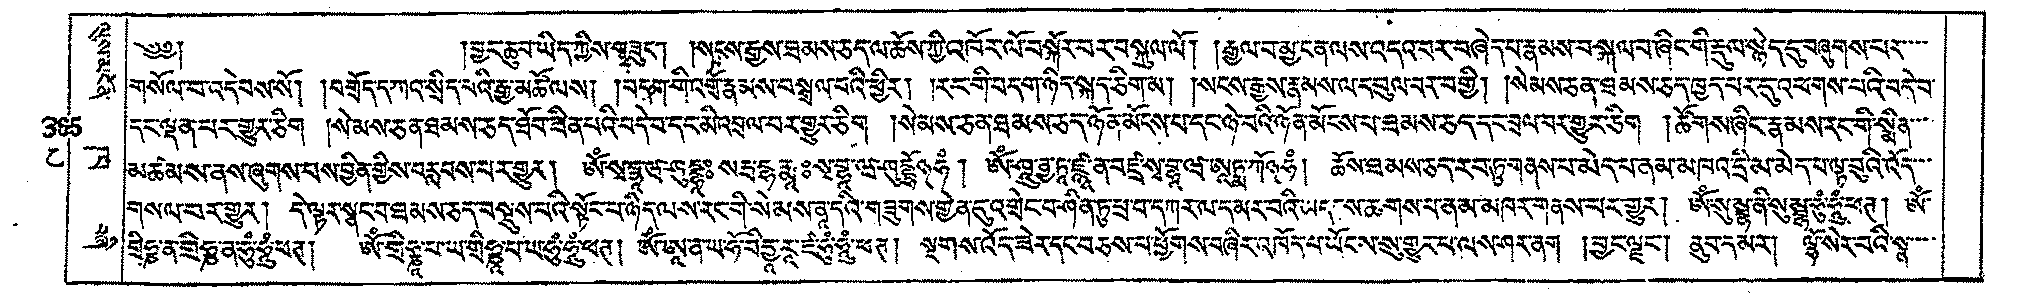༄༅། །བྱང་ཆུབ་ཡིད་ཀྱིས་གཟུང་། །སངས་རྒྱས་ཐམས་ཅད་ལ་ཆོས་ཀྱི་འཁོར་ལོ་བསྐོར་བར་བསྐུལ་ལོ། །རྒྱལ་བ་མྱ་ངན་ལས་འདའ་བར་བཞེད་པ་རྣམས་བསྐལ་པ་ཞིང་གི་རྡུལ་སྙེད་དུ་བཞུགས་པར་་་
གསོལ་བ་འདེབས་སོ། །བགྲོད་དཀའ་སྲིད་པའི་རྒྱ་མཚོ་ལས། །བདག་གི་འགྲོ་རྣམས་བསྒྲལ་བའི་ཕྱིར། །རང་གི་བདག་ཉིད་སྐད་ཅིག་མ། །སངས་རྒྱས་རྣམས་ལ་དབུལ་བར་བགྱི། །སེམས་ཅན་ཐམས་ཅད་ཁྱད་པར་དུ་འཕགས་པའི་བདེ་བ་
དང་ལྡན་པར་གྱུར་ཅིག །སེམས་ཅན་ཐམས་ཅད་ཐོབ་ཟིན་པའི་བདེ་བ་དང་མི་འབྲལ་བར་གྱུར་ཅིག །སེམས་ཅན་ཐམས་ཅད་ཉོན་མོངས་པ་དང་ཉེ་བའི་ཉོན་མོངས་པ་ཐམས་ཅད་དང་བྲལ་བར་གྱུར་ཅིག །ཚོགས་ཞིང་རྣམས་རང་གི་སྨིན་་་
མཚམས་ནས་ཞུགས་པས་བྱིན་གྱིས་བརླབས་པར་གྱུར། ཨོཾ་སྭ་བྷཱ་ཝ་ཤུདྡྷཱཿསརྦ་དྷརྨཱཿསྭ་བྷཱ་ཝ་ཤུདྡྷོཉྷཾ། ཨོཾ་ཤཱུ་ནྱ་ཏཱ་ཛྙཱ་ན་བཛྲ་སྭ་བྷཱ་ཝ་ཨཱཏྨ་ཀོཉྷཾ། ཆོས་ཐམས་ཅད་རབ་ཏུ་གནས་པ་མེད་པ་ནམ་མཁའ་དྲི་མ་མེད་པ་ལྟ་བུའི་འོད་་་
གསལ་བར་གྱུར། དེ་ལྟར་སྣང་བ་ཐམས་ཅད་བསྡུས་པའི་སྟོང་པ་ཉིད་ལས་རང་གི་སེམས་ནཱ་དའི་གཟུགས་གྱེན་དུ་འགྲེང་བ་ཤིན་ཏུ་ཕྲ་བ་དཀར་ལ་དམར་བའི་མདངས་ཆགས་པ་ནམ་མཁར་གནས་པར་གྱུར། ཨོཾ་སུམྦྷ་ནི་སུམྦྷ་ཧུཾ་ཧཱུཾ་ཕཊ། ཨོཾ་
གྲིཧྞ་ན་གྲིཧྞ་ན་ཧུཾ་ཧཱུཾ་ཕཊ། ཨོཾ་གྲིཧྞཱ་པ་ཡ་གྲིཧྞཱ་པ་ཡ་ཧུཾ་ཧཱུཾ་ཕཊ། ཨོཾ་ཨཱ་ན་ཡ་ཧོ་བིདྱཱ་རཱ་ཛ་ཧུཾ་ཧཱུཾ་ཕཊ། སྔགས་འོད་ཟེར་དང་བཅས་པ་ཕྱོགས་བཞིར་འཁོད་པ་ཡོངས་སུ་གྱུར་པ་ལས་ཤར་ནག །བྱང་ལྗང་། ནུབ་དམར། ལྷོ་སེར་བའི་སྣ་་་